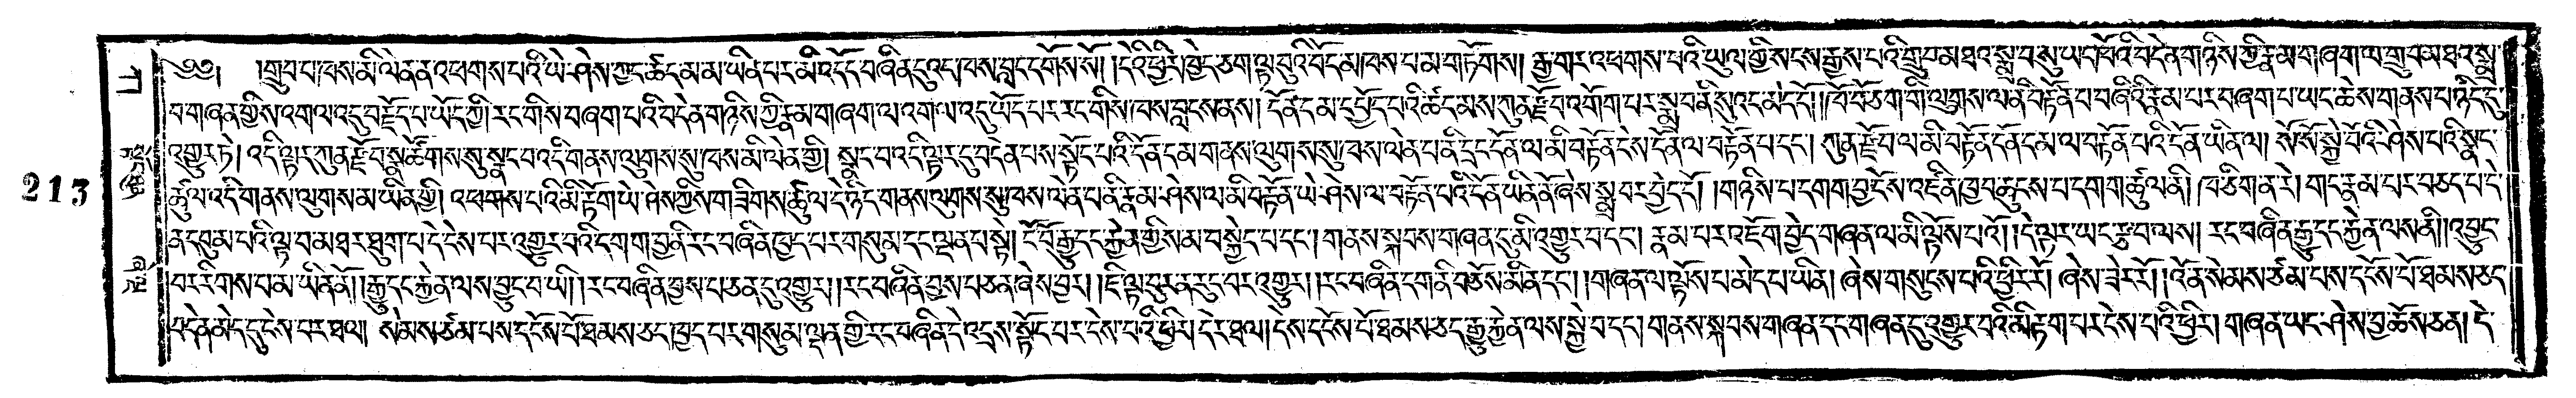༄༅། །གྲུབ་པ་ཁས་མི་ལེན་ན་འཕགས་པའི་ཡེ་ཤེས་ཀྱང་ཚད་མ་མ་ཡིན་པར་མི་འདོད་བཞིན་དུའང་ཁས་བླང་དགོས་སོ། །དེའི་ཕྱིར་ཁྱེད་ཅག་ལྟ་བུའི་བོད་མཁས་པ་མ་གཏོགས། རྒྱ་གར་འཕགས་པའི་ཡུལ་གྱི་སངས་རྒྱས་པའི་གྲུབ་མཐའ་སྨྲ་བ་སུ་ཡང་ཁོའི་བདེན་གཉིས་ཀྱི་རྣམ་གཞག་ལ་གྲུབ་མཐའ་སྨྲ་
བ་གཞན་གྱིས་འགལ་འདུ་བརྗོད་པ་ཡོད་ཀྱི། རང་གིས་བཞག་པའི་བདེན་གཉིས་ཀྱི་རྣམ་གཞག་ལ་འགལ་འདུ་ཡོད་པར་རང་གིས་ཁས་བླངས་ནས། དོན་དམ་དཔྱོད་པའི་ཚད་མས་ཀུན་རྫོབ་འགོག་པར་སྨྲ་བ་ནི་སུའང་མེད་དོ། །ཁོ་བོ་ཅག་གི་ལུགས་ལ་ནི་བརྟོན་པ་བཞིའི་རྣམ་པར་བཞག་པ་ཡང་ཆེས་གནས་པ་ཉིད་དུ་
འགྱུར་ཏེ། འདི་ལྟར་ཀུན་རྫོབ་སྣ་ཚོགས་སུ་སྣང་བ་འདི་གནས་ལུགས་སུ་ཁས་མི་ལེན་གྱི། སྣང་བ་འདི་ལྟར་དུ་བདེན་པས་སྟོང་པའི་དོན་དམ་གནས་ལུགས་སུ་ཁས་ལེན་པ་ནི་དྲང་དོན་ལ་མི་བརྟོན་ངེས་དོན་ལ་བརྟོན་པ་དང་། ཀུན་རྫོབ་ལ་མི་བརྟོན་དོན་དམ་ལ་བརྟོན་པའི་དོན་ཡིན་ལ། སོ་སོ་སྐྱེ་བོའི་ཤེས་པའི་སྣང་
ཚུལ་འདི་གནས་ལུགས་མ་ཡིན་གྱི། འཕགས་པའི་མི་རྟོག་ཡེ་ཤེས་ཀྱིས་གཟིགས་ཚུལ་དེ་ཉིད་གནས་ལུགས་སུ་ཁས་ལེན་པ་ནི་རྣམ་ཤེས་ལ་མི་བརྟོན་ཡེ་ཤེས་ལ་བརྟོན་པའི་དོན་ཡིན་ནོ་ཞེས་སྨྲ་བར་བྱེད་དོ། །གཉིས་པ་དགག་བྱ་ངོས་འཛིན་ཁྱབ་ཆུངས་པ་དགག་ཚུལ་ནི། ཁ་ཅིག་ན་རེ། གང་རྣམ་པར་བཅད་པ་དེ་
ན་དབུ་མ་པའི་ལྟ་བ་མཐར་ཐུག་པ་དེ་ངེས་པར་འགྱུར་བའི་དགག་བྱ་ནི་རང་བཞིན་ཁྱད་པར་གསུམ་དང་ལྡན་པ་སྟེ། ངོ་བོ་རྒྱུ་དང་རྐྱེན་གྱིས་མ་བསྐྱེད་པ་དང་། གནས་སྐབས་གཞན་དུ་མི་འགྱུར་བ་དང་། རྣམ་པར་འཇོག་བྱེད་གཞན་ལ་མི་ལྟོས་པའོ། །དེ་ལྟར་ཡང་རྩ་བ་ལས། རང་བཞིན་རྒྱུ་དང་རྐྱེན་ལས་ནི། །འབྱུང་
བར་རིགས་པ་མ་ཡིན་ནོ། །རྒྱུ་དང་རྐྱེན་ལས་བྱུང་བ་ཡི། །རང་བཞིན་བྱས་པ་ཅན་དུ་འགྱུར། །རང་བཞིན་བྱས་པ་ཅན་ཞེས་བྱར། །ཇི་ལྟ་བུར་ན་རུང་བར་འགྱུར། །རང་བཞིན་དག་ནི་བཅོས་མིན་དང་། །གཞན་ལ་ལྟོས་པ་མེད་པ་ཡིན། ཞེས་གསུངས་པའི་ཕྱིར་རོ། ཞེས་ཟེར་རོ། །འོ་ན་སེམས་ཙམ་པས་དངོས་པོ་ཐམས་ཅད་
བདེན་མེད་དུ་ངེས་པར་ཐལ། སེམས་ཙམ་པས་དངོས་པོ་ཐམས་ཅད་ཁྱད་པར་གསུམ་ལྡན་གྱི་རང་བཞིན་དེ་འདྲས་སྟོང་པར་ངེས་པའི་ཕྱིར། དེར་ཐལ། དེས་དངོས་པོ་ཐམས་ཅད་རྒྱུ་རྐྱེན་ལས་སྐྱེ་བ་དང་། གནས་སྐབས་གཞན་དང་གཞན་དུ་འགྱུར་བའི་མི་རྟག་པར་ངེས་པའི་ཕྱིར། གཞན་ཡང་ཤེས་བྱ་ཆོས་ཅན། དེ་